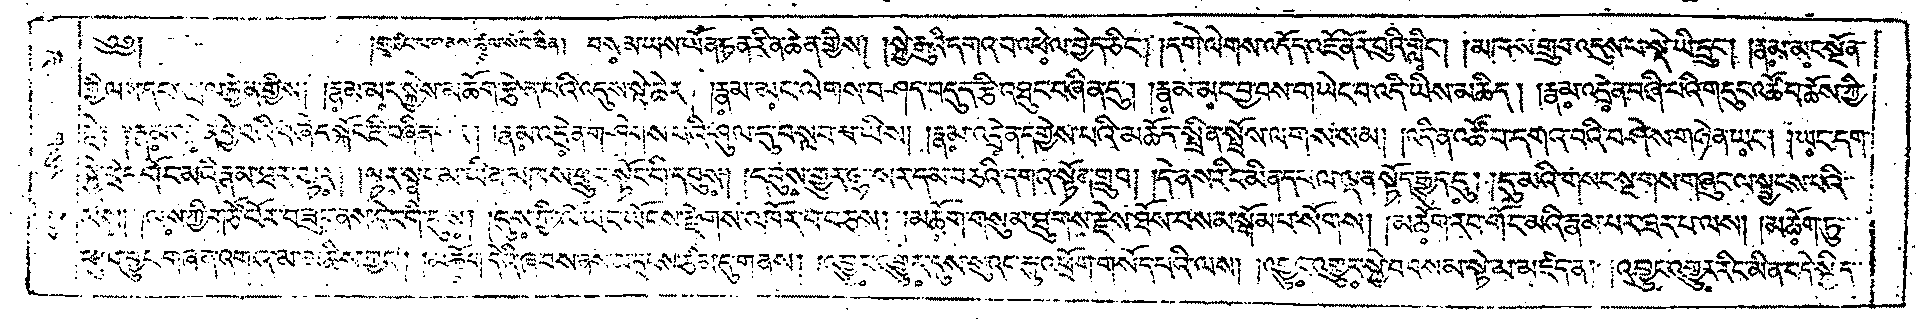༄༅། །གྲྭ་ཚང་ལ་གནས་ཚུལ་སོང་ཟིན། བསམ྾་ཡས་ཡོན་ཏན་རིན་ཆེན་གྱིས། །སྐྱེ་རྒུའི་དགའ་བ་འཕེལ྾་བྱེད་ཅིང་། །དགེ་ལེགས་འདོད་འཇོ་ནོར་བུའི་གླིང྾། །མཁས་གྲུབ་འདུས་པ་སྡེ་ཡི་དྲུང་། །རྣམ྾་མང྾་སྔོན་
གྱི་ལས་དང་འཕྲལ་རྐྱེན་གྱིས། །རྣམ྾་མང྾་སྐྱེས་མཆོག་རྩེན་པའི་འདུས་སྡེ་ཆེར། །རྣམ྾་མང྾་ལེགས་བཤད་བདུད་རྩི་འཐུང་བཞིན་དུ། །རྣམ྾་མང྾་བྱ་བས་གཡེང་བ་འདི་ཡིས་མཆིད། །རྣམ྾་འདྲེན྾་བཞི་པའི་གདུང་འཚོ་བ་ཆོས་ཀྱི་
རྗེ༑ ༑རྣམ྾་འདྲེན྾་བྱེ་བའི་བཞེད་སྐོང་ཇི་བཞིན་པར། །རྣམ྾་འདྲེན྾་གཤེགས་པའི་ཤུལ་དུ་བསླབ་པ་ཡིས། །རྣམ྾་འདྲེན྾་དགྱེས་པའི་མཆོད་སྤྲིན་སྤྲོས་ལགས་སམ། །འདི་ན་འཚོ་བ་དགའ་བའི་བཤེས་གཉེན་ཡང྾། །ཡང྾་དག་
སྐྱེ་ཕྲེང་གོང་མའི་རྣམ་ཐར་ལྟར྾། །ལྟར྾་སྣང་མ་ཡིན་མཁས་གྲུབ་སྟོང་གི་དབུས྾། །དབུས྾་གྱུར་ལྷ་སར་དམ་བཅའི་དགའ་སྟོན་གྲུབ། །དེ་ནས་རིང་མིན་དཔལ་ལྡན་སྟོད་རྒྱུད་དུ྾། །དུ྾་མའི་གསང་སྔགས་གཞུང་ལ་སྦྱངས་པའི་
ལས྾། །ལས྾་ཀྱི་གཙོ་བོར་བཟུང་ནས་དེང་གི་དུས྾། །དུས྾་ཀྱི་ལོ་ཡང་ཡོངས་རྫོགས་འཁོར་བ་བཅས། །མཆོག྾་གསུམ་ཐུགས་རྗེས་ཐོས་བསམ་སྒོམ་པ་སོགས། །མཆོག྾་རབ་གོང་མའི་རྣམ་པར་ཐར་པ་ལས། །མཆོག྾་ཏུ་
ཕུལ་བྱུང་གཞན་འགའ་མ་མཆིས་ཀྱང་། །མཆོག྾་དེའི་ཞབས་ནས་མ་དྲངས་ཙམ་དུ་གནས། །འབྱུང྾་འགྱུར྾་དུས་སུའང་རྐུ་འཕྲོག་གསོད་པའི་ལས། །འབྱུང྾་འགྱུར྾་སྐྱེ་བ་བསམ་སྟེ་མ་མཛད་ན། །འབྱུང྾་འགྱུར྾་རིང་མིན་བདེ་སྐྱིད་